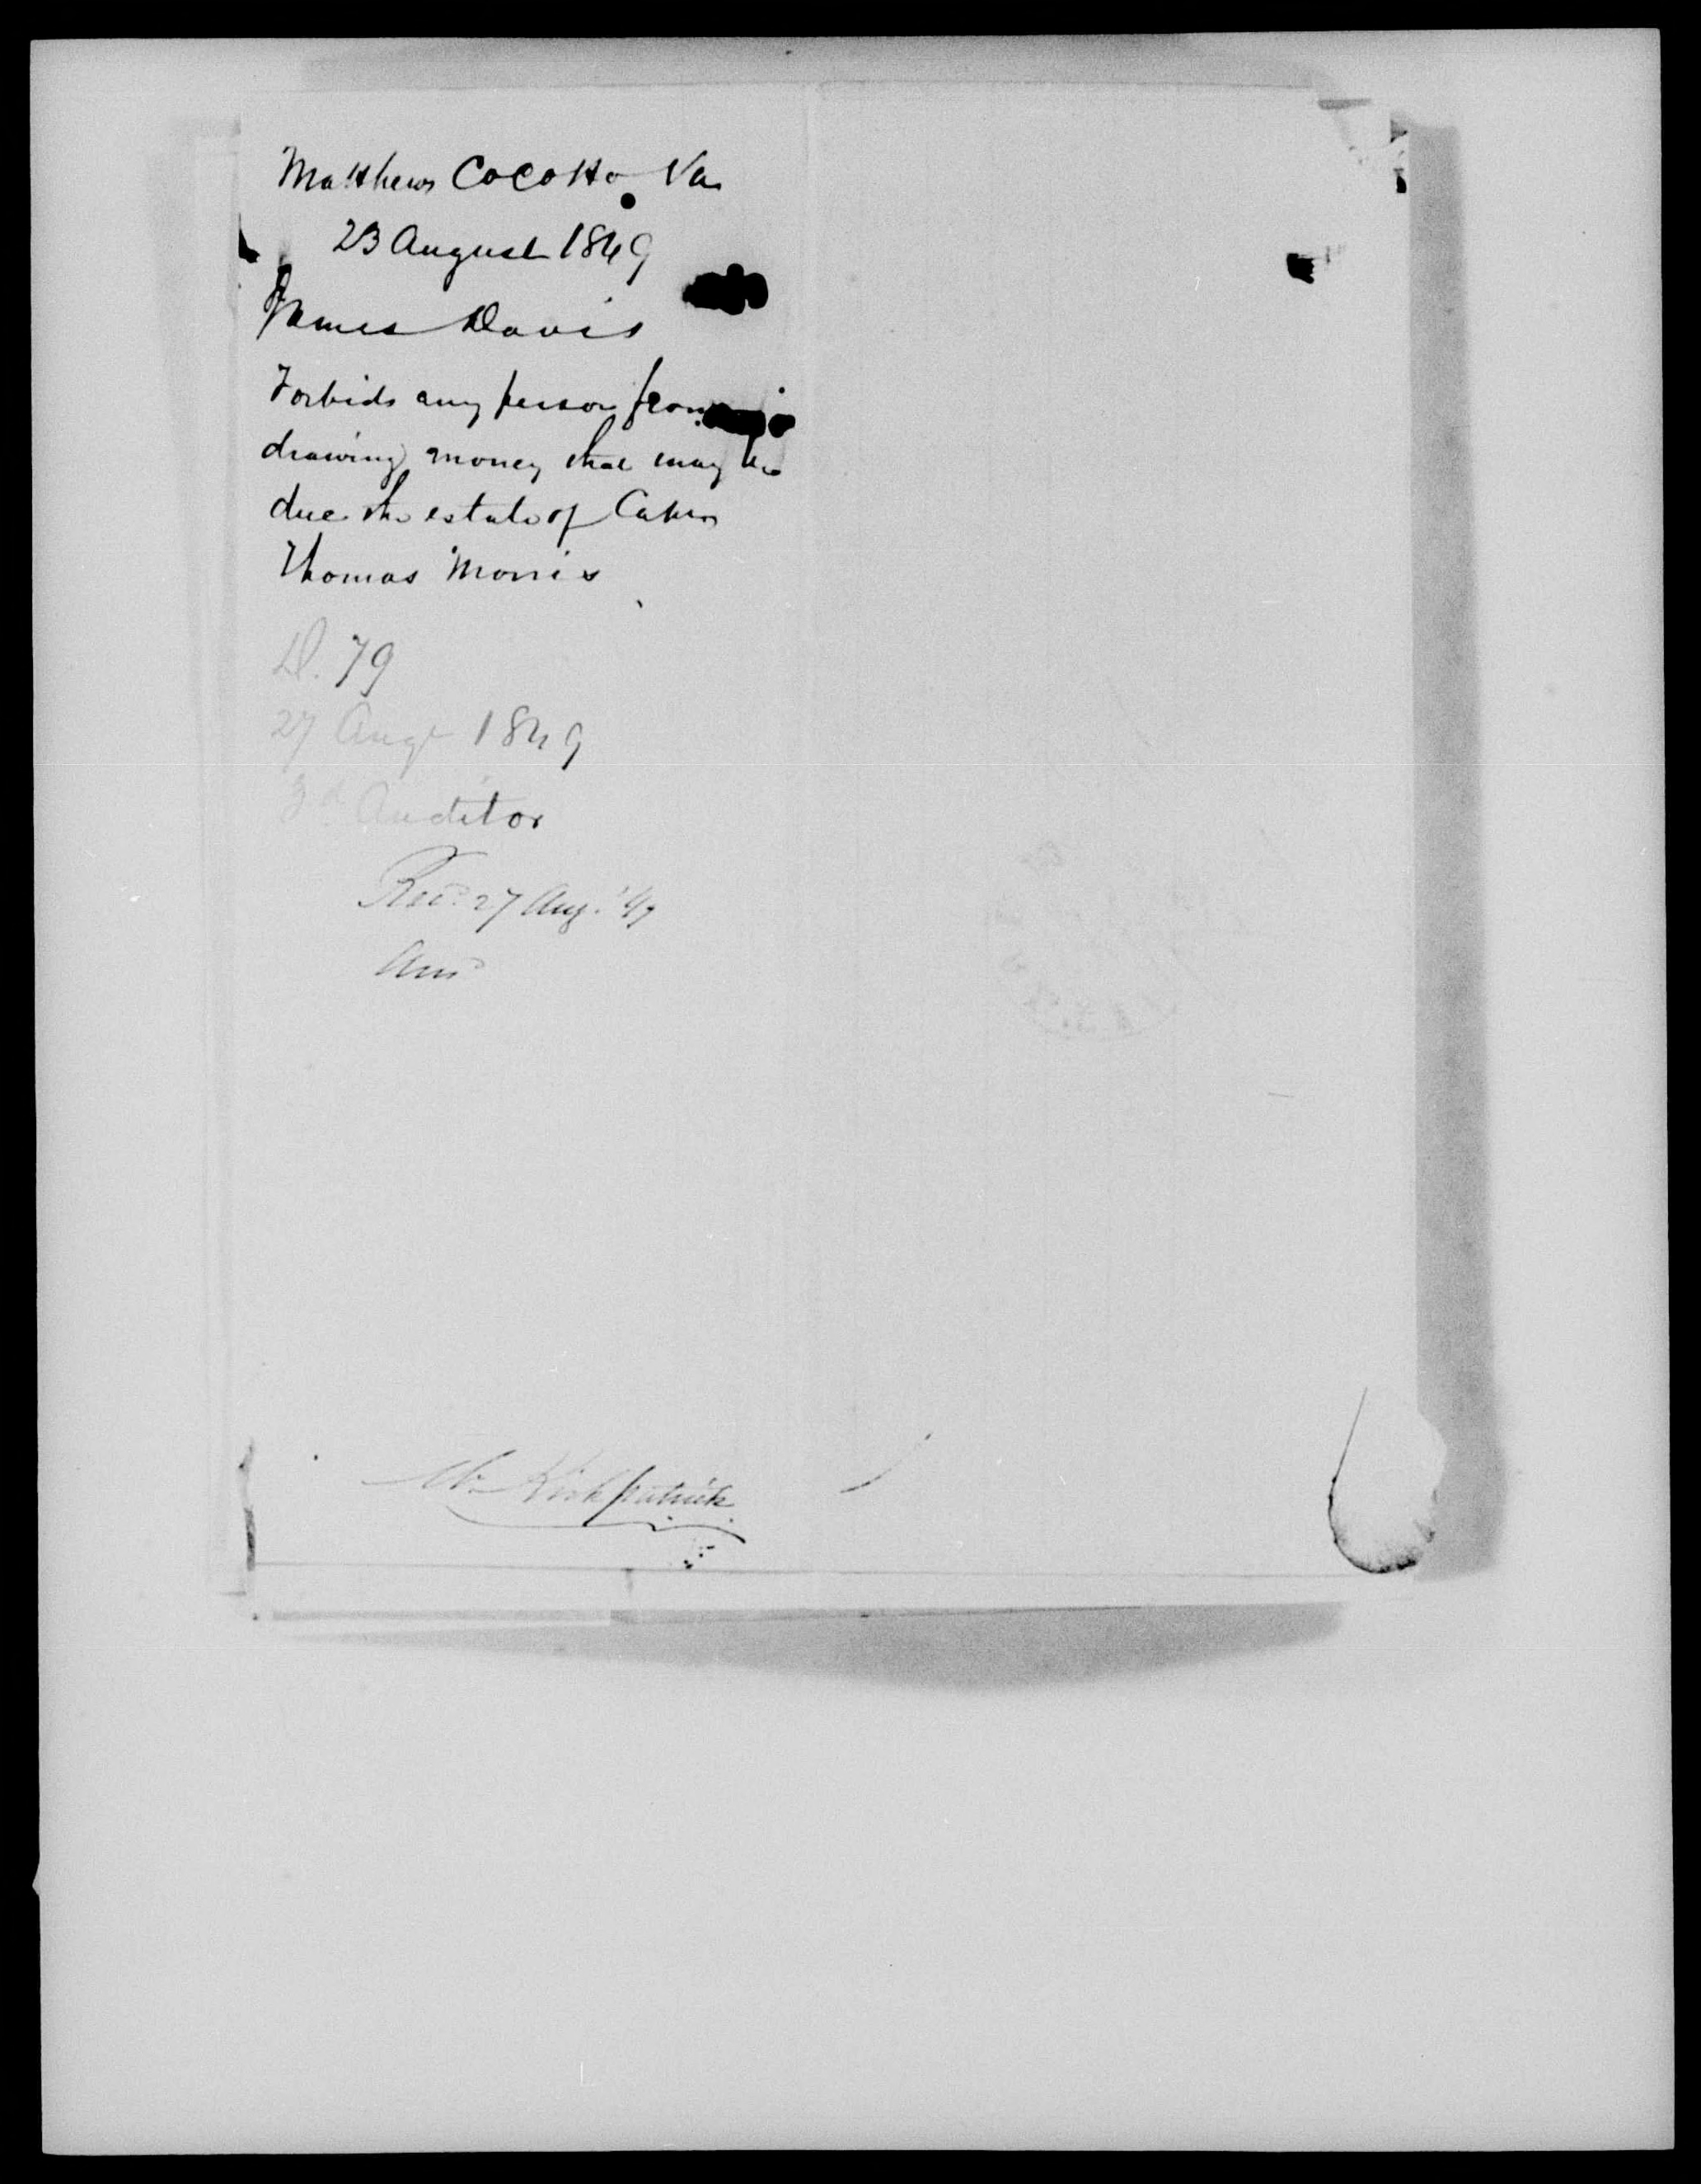Matthew Cocotto Va 
23 August 1849
James Davis
Forbids any person from
drawing money that may be
due the estate of Capt
Thomas Morris
D. 79
27 Aug 1849
[illegible] Auditor
Rec. 27 Aug. '49
W Kirkpatrick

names: Thomas Morris; [BLANK] Kirkpatrick; James Davis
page: 5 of 30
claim: rejected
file: R. 16,555, for Thomas Morris, Georgia